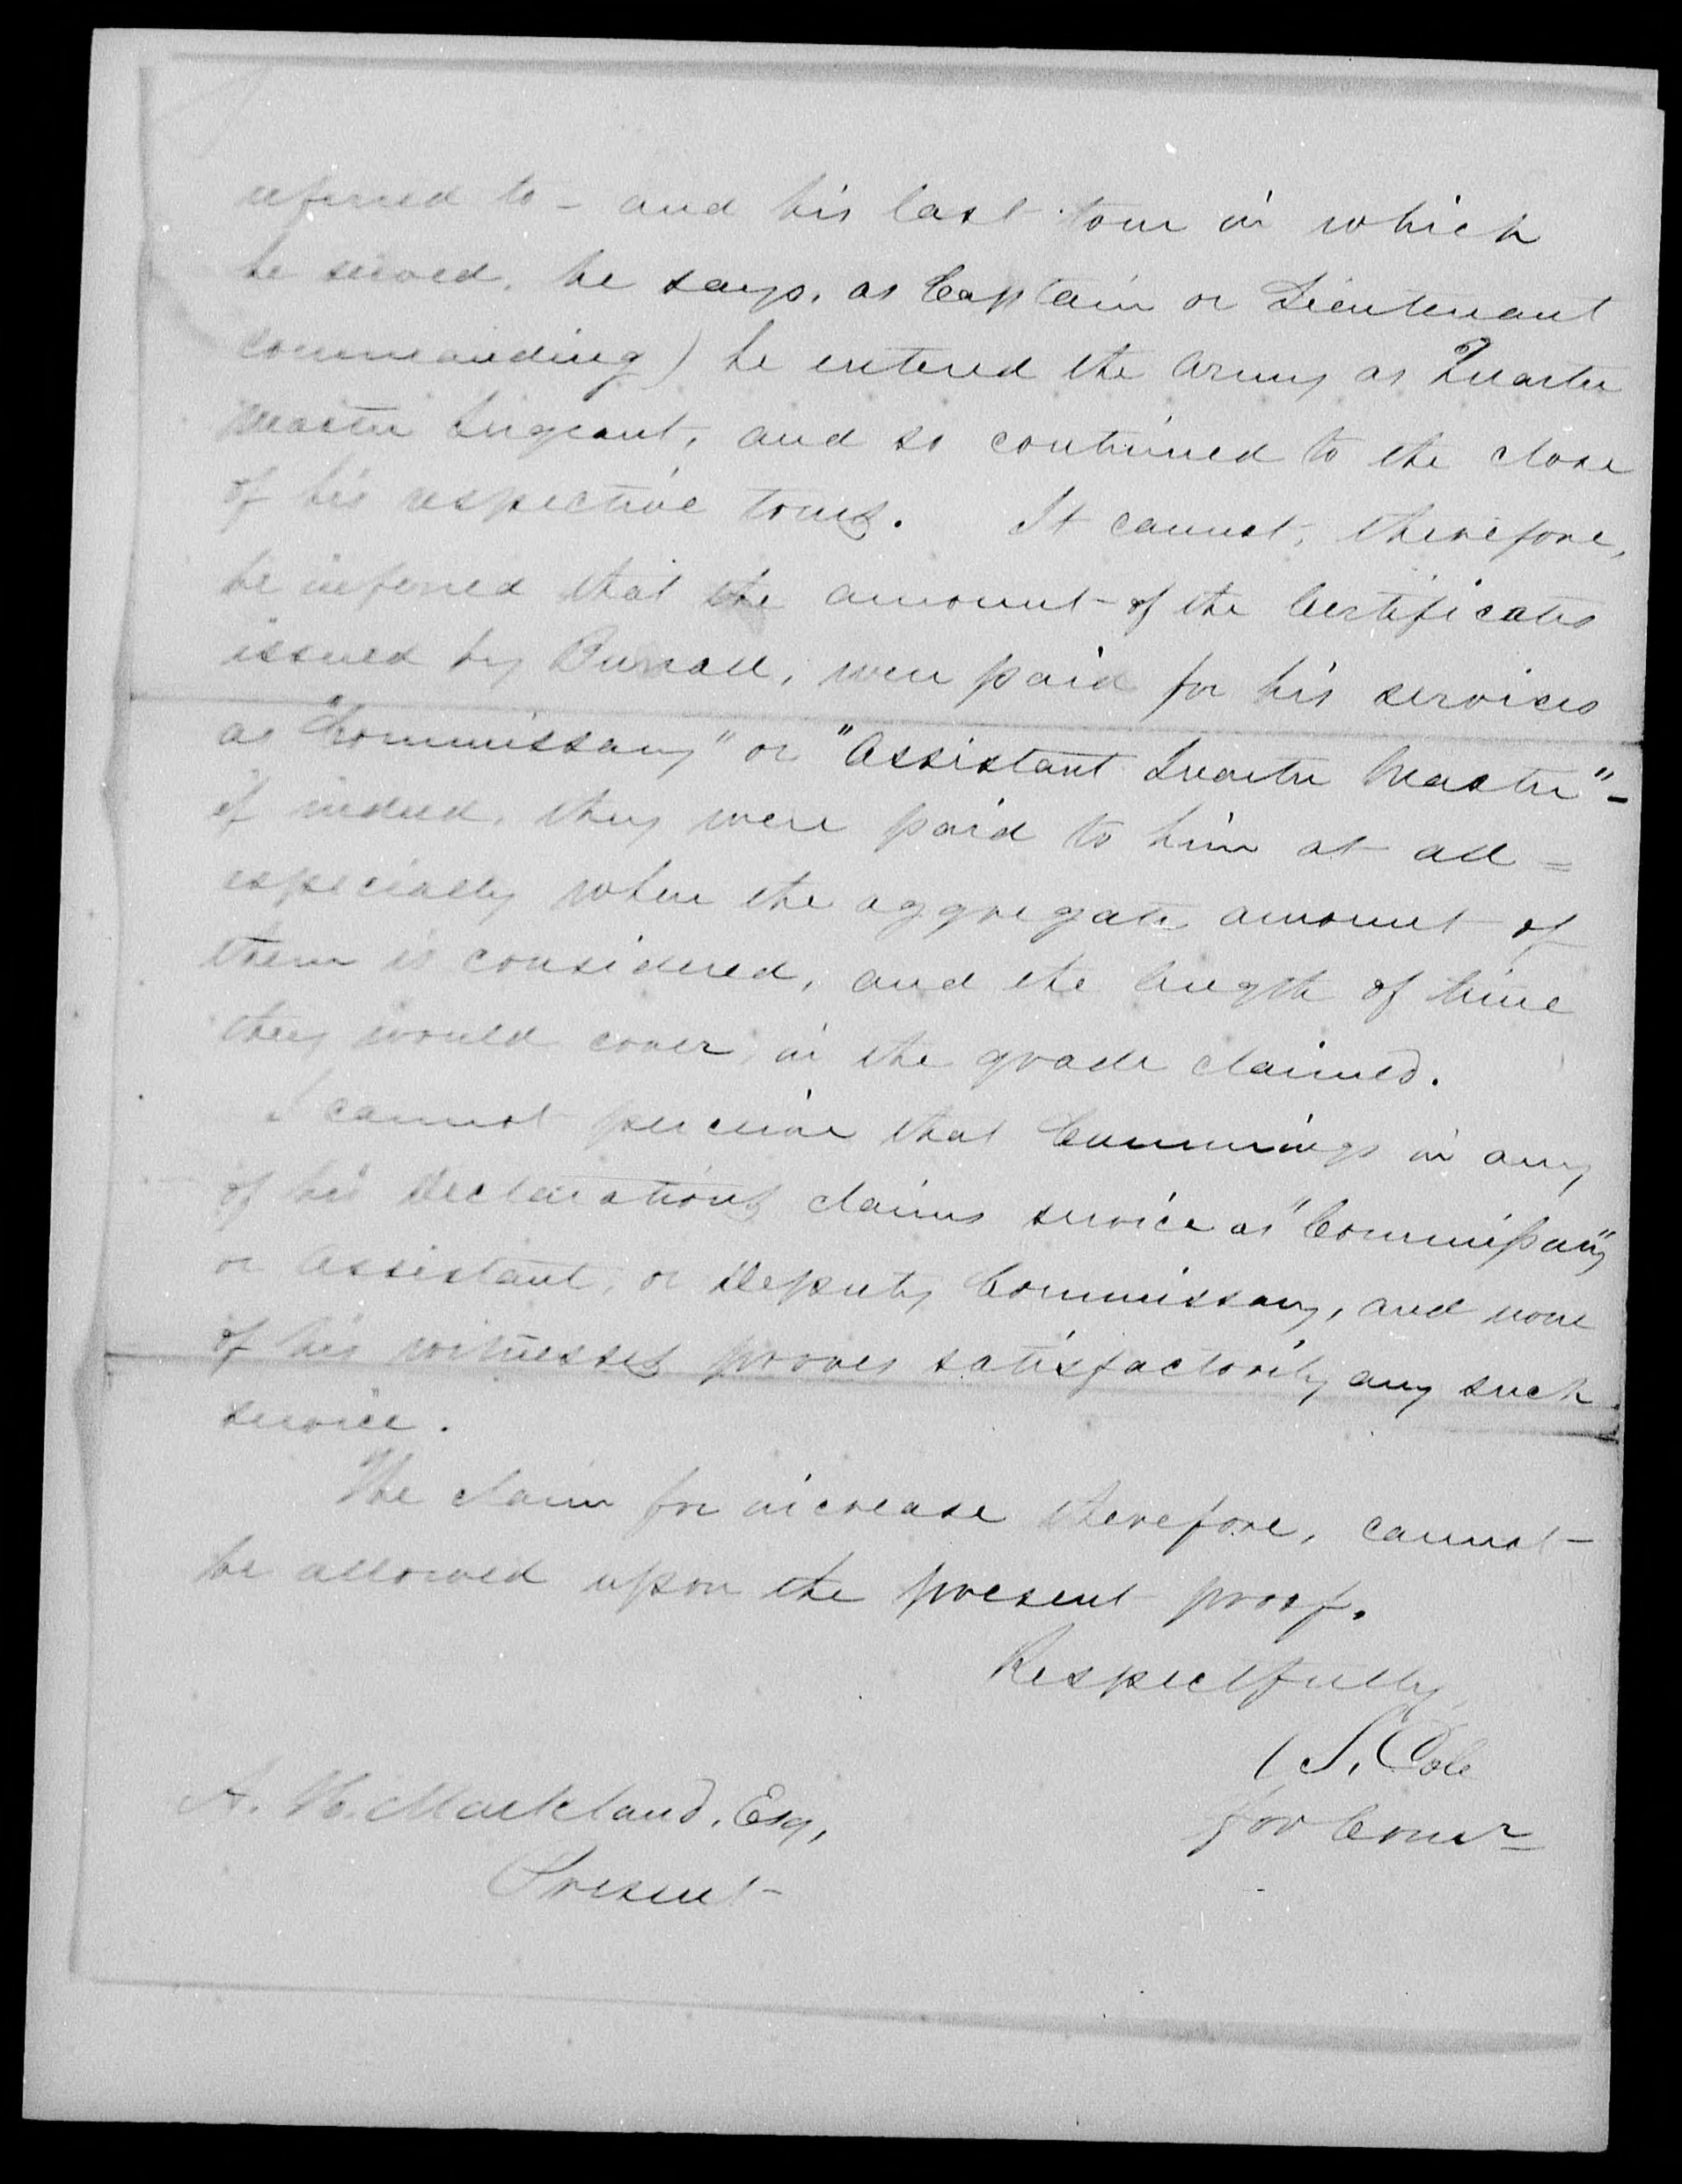[Fourth page in continued letter.  Occasional spacing has been included to make the long text block easier to read.]

referred to - and his last tour in which he served, he says, as Captain or Lieutenant commanding)  he entered the Army as Quarter Master Sergeant, and so continued to the close of his respective tours.

It cannot, therefore, be [?] inferred that the amount of the Certificates issued by Burrall, were paid for his services as "Commissary" or "Assistant Quarter Master" - [? if indeed,] they were paid to him at all = especially when [or where] the aggregate amount of them is considered, and the length of time they would cover, in the grade claimed. 

I cannot perceive that Cummings in any of his Declarations claims service as "Commissary" or Assistant, or Deputy Commissary, and none of his witnesses proves satisfactorily any such service.  

The claim for increase therefore, cannot be allowed upon the present proof.

Respectfully,
C. S. [or S.] Cole
for Comr [for Commissioner]

A. H. Markland, Esq, 
[?] Present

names: S Cole, Cummings, A H Markland, Burrall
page: 43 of 145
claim: survivor's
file: S. 8265, William Cumming, N.C.